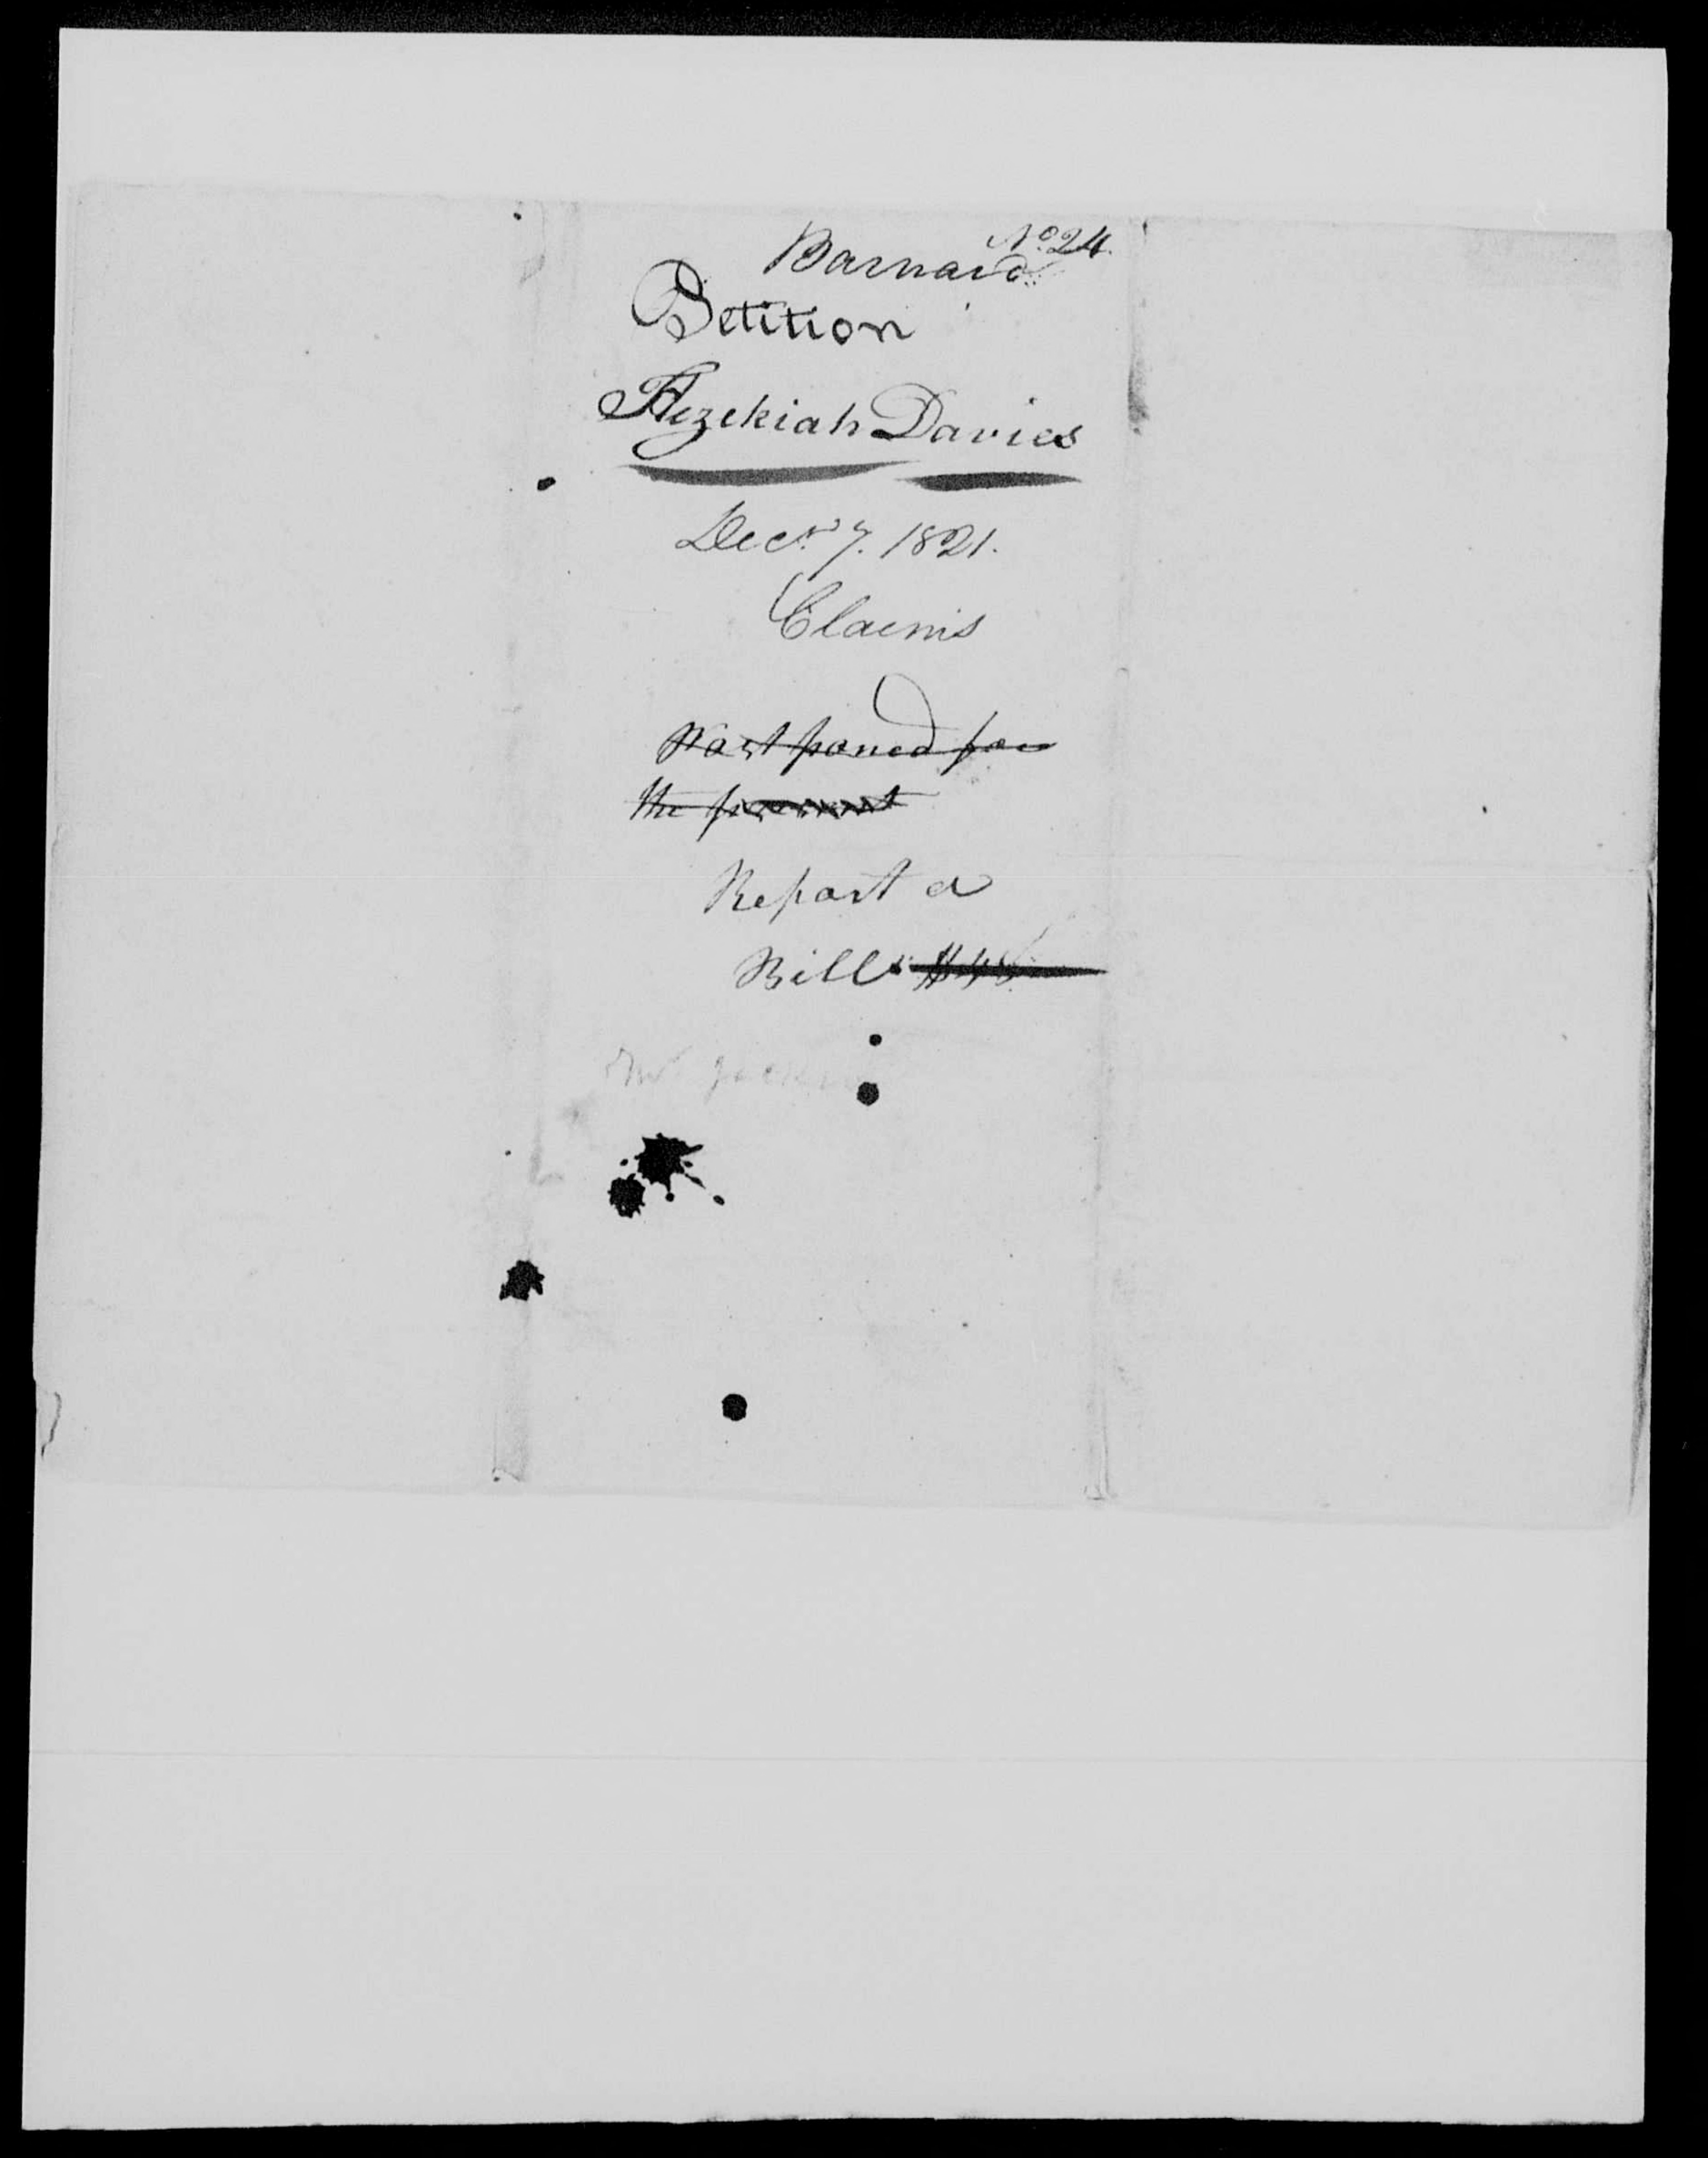No 24
Barnard
Petition
Hezekiah Davies
Decr 7 1821
Claims
[this is struck thru - postponed for the present] 

Report a Bill.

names: Hezekiah Davies, Barnard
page: 48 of 57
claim: survivor's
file: S. 2161, Hezekiah Davies, Penn